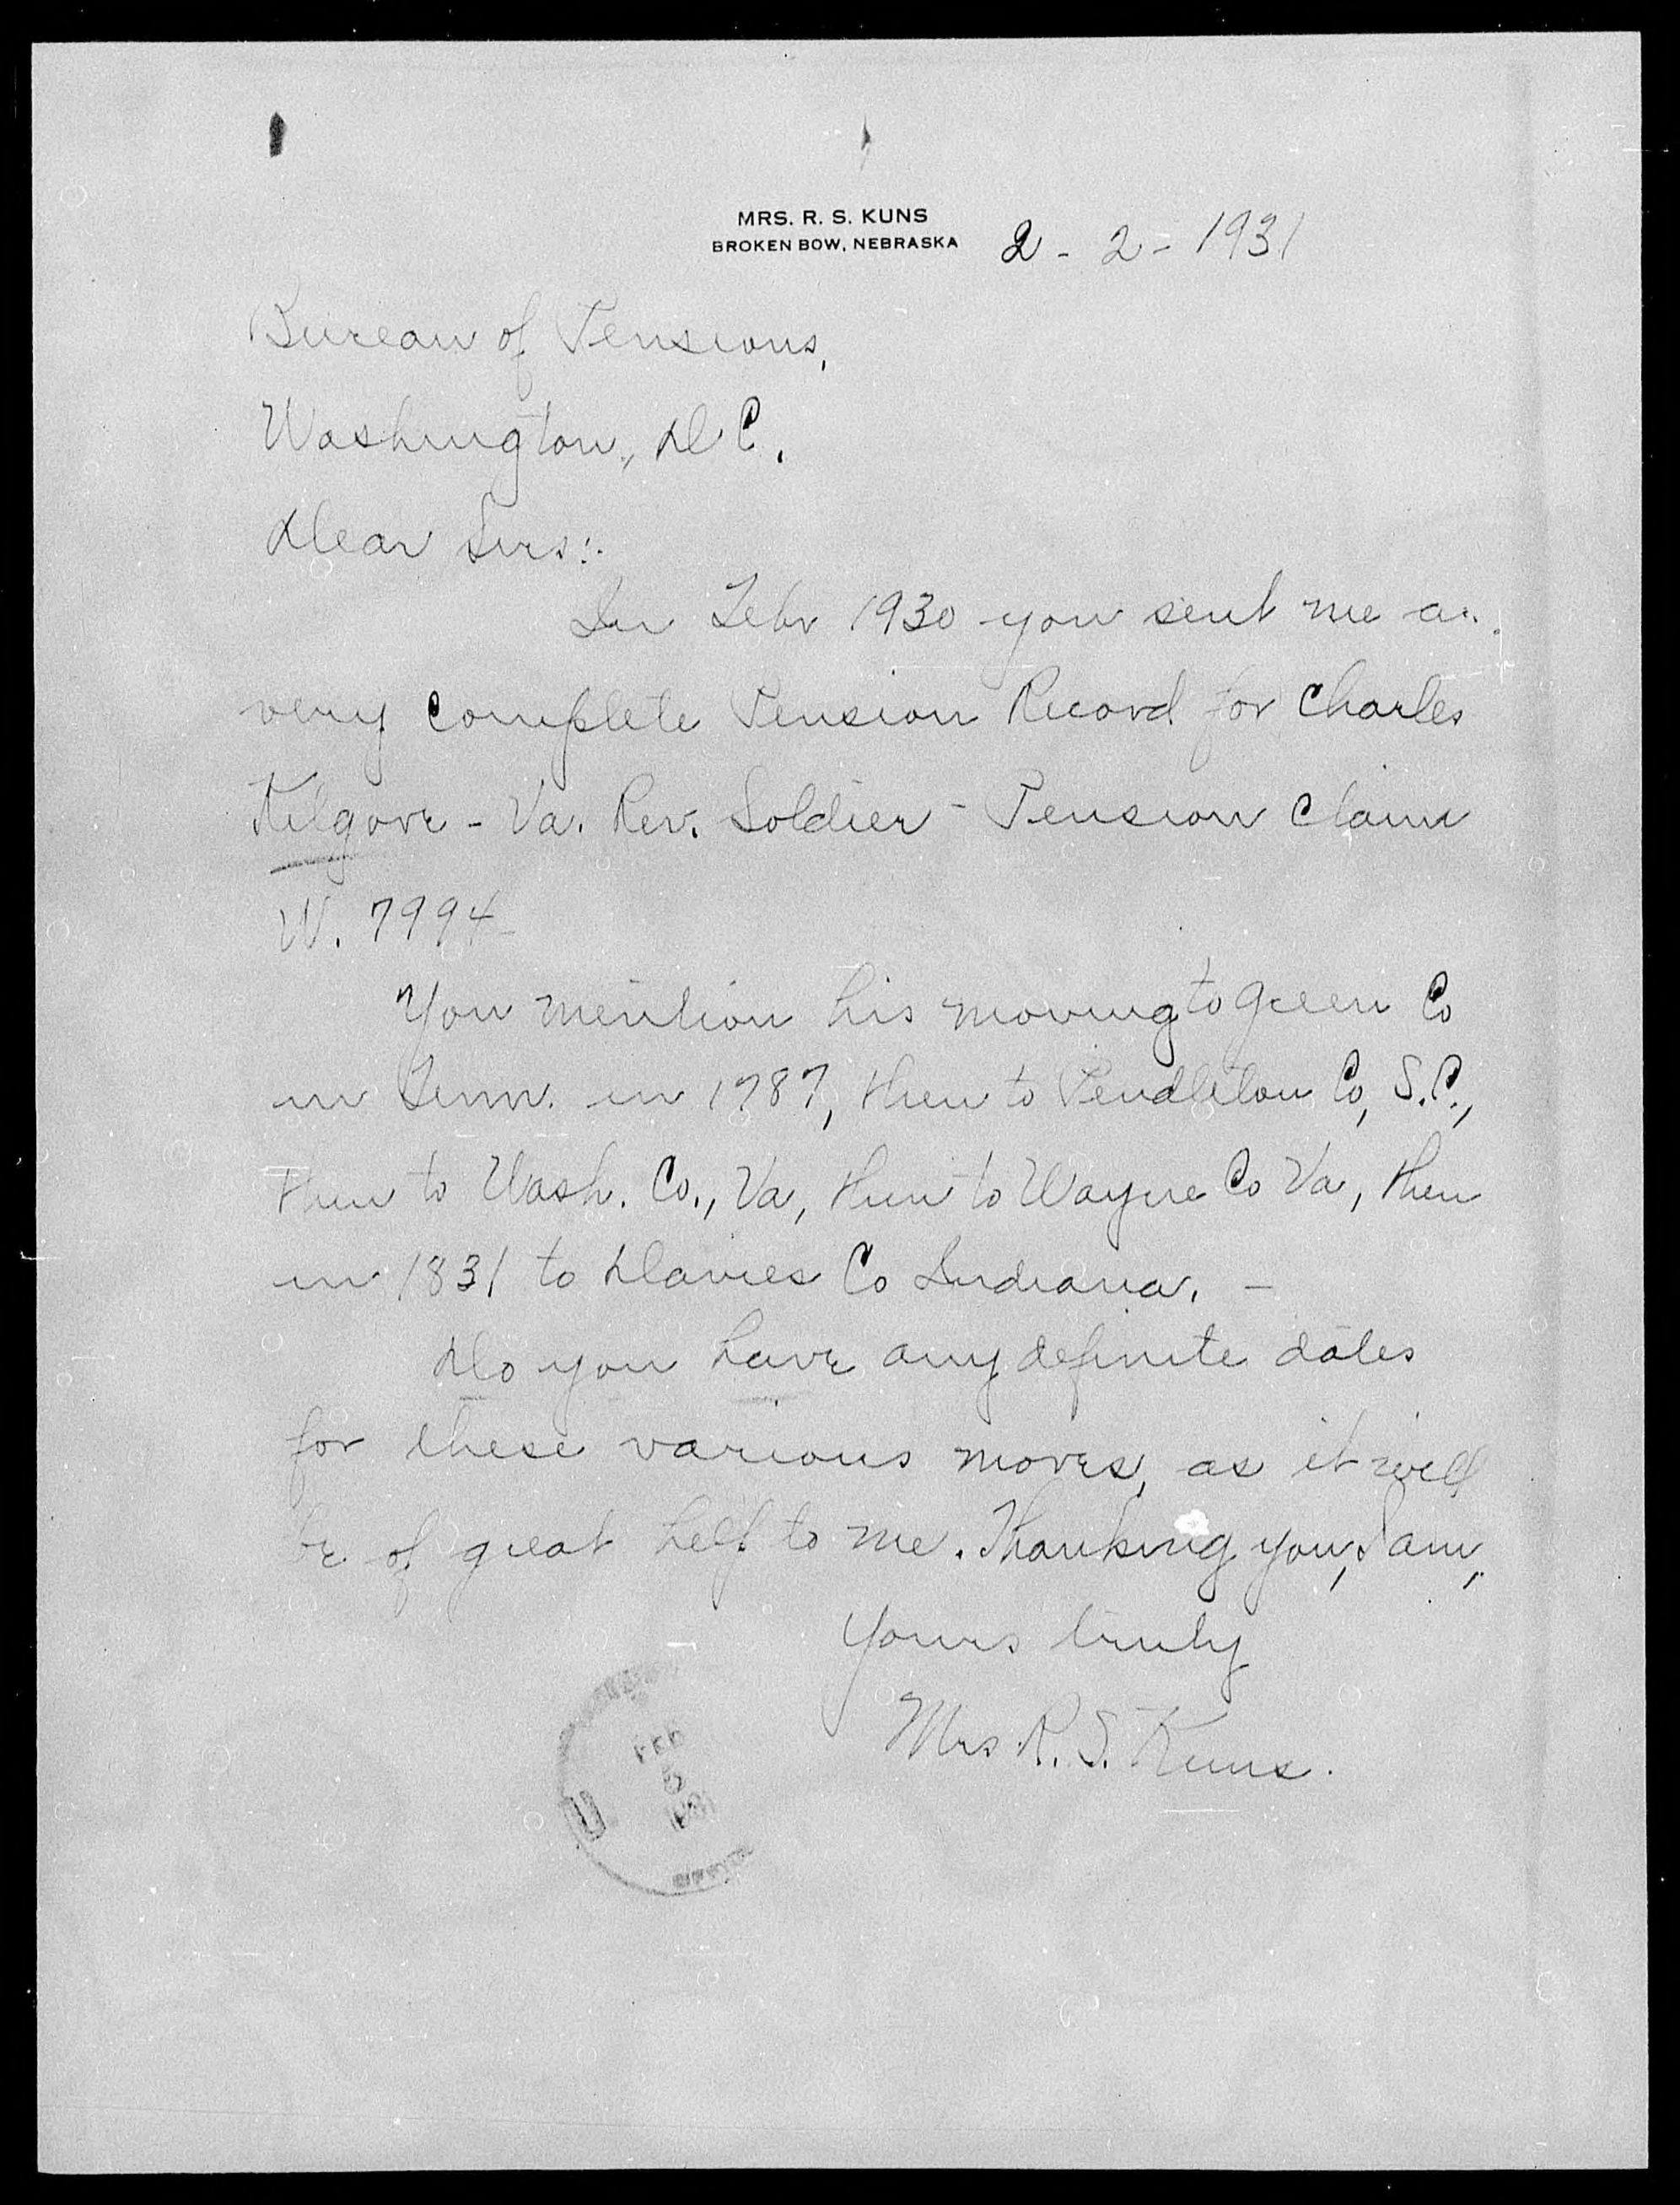MRS. R. S. KUNS
BROKEN BOW, NEBRASKA
2-2-1931

Bureau of Pensions,
Washington, D.C.

Dear Sirs:
In Febr 1930 you sent me a very complete Pension Record for Charles Kilgore - Va. Rev. Soldier - Pension claim W. 7994.
You mention his moving to Green Co in Tenn. in 1787, there to Pendleton Co, S.C., then to Wash. Col, Va, then to Wayne Co Va, then in 1831 to Davies Co Indiana.-
Do you have any definite dates for these various moves, as it will be of great help to me. Thanking you, I am,
Yours truly
Mrs. R. S. Kuns.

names: Charles Kilgore; R S Kuns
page: 74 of 115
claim: survivor's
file: S. 699, for Charles Kilgore, Virginia